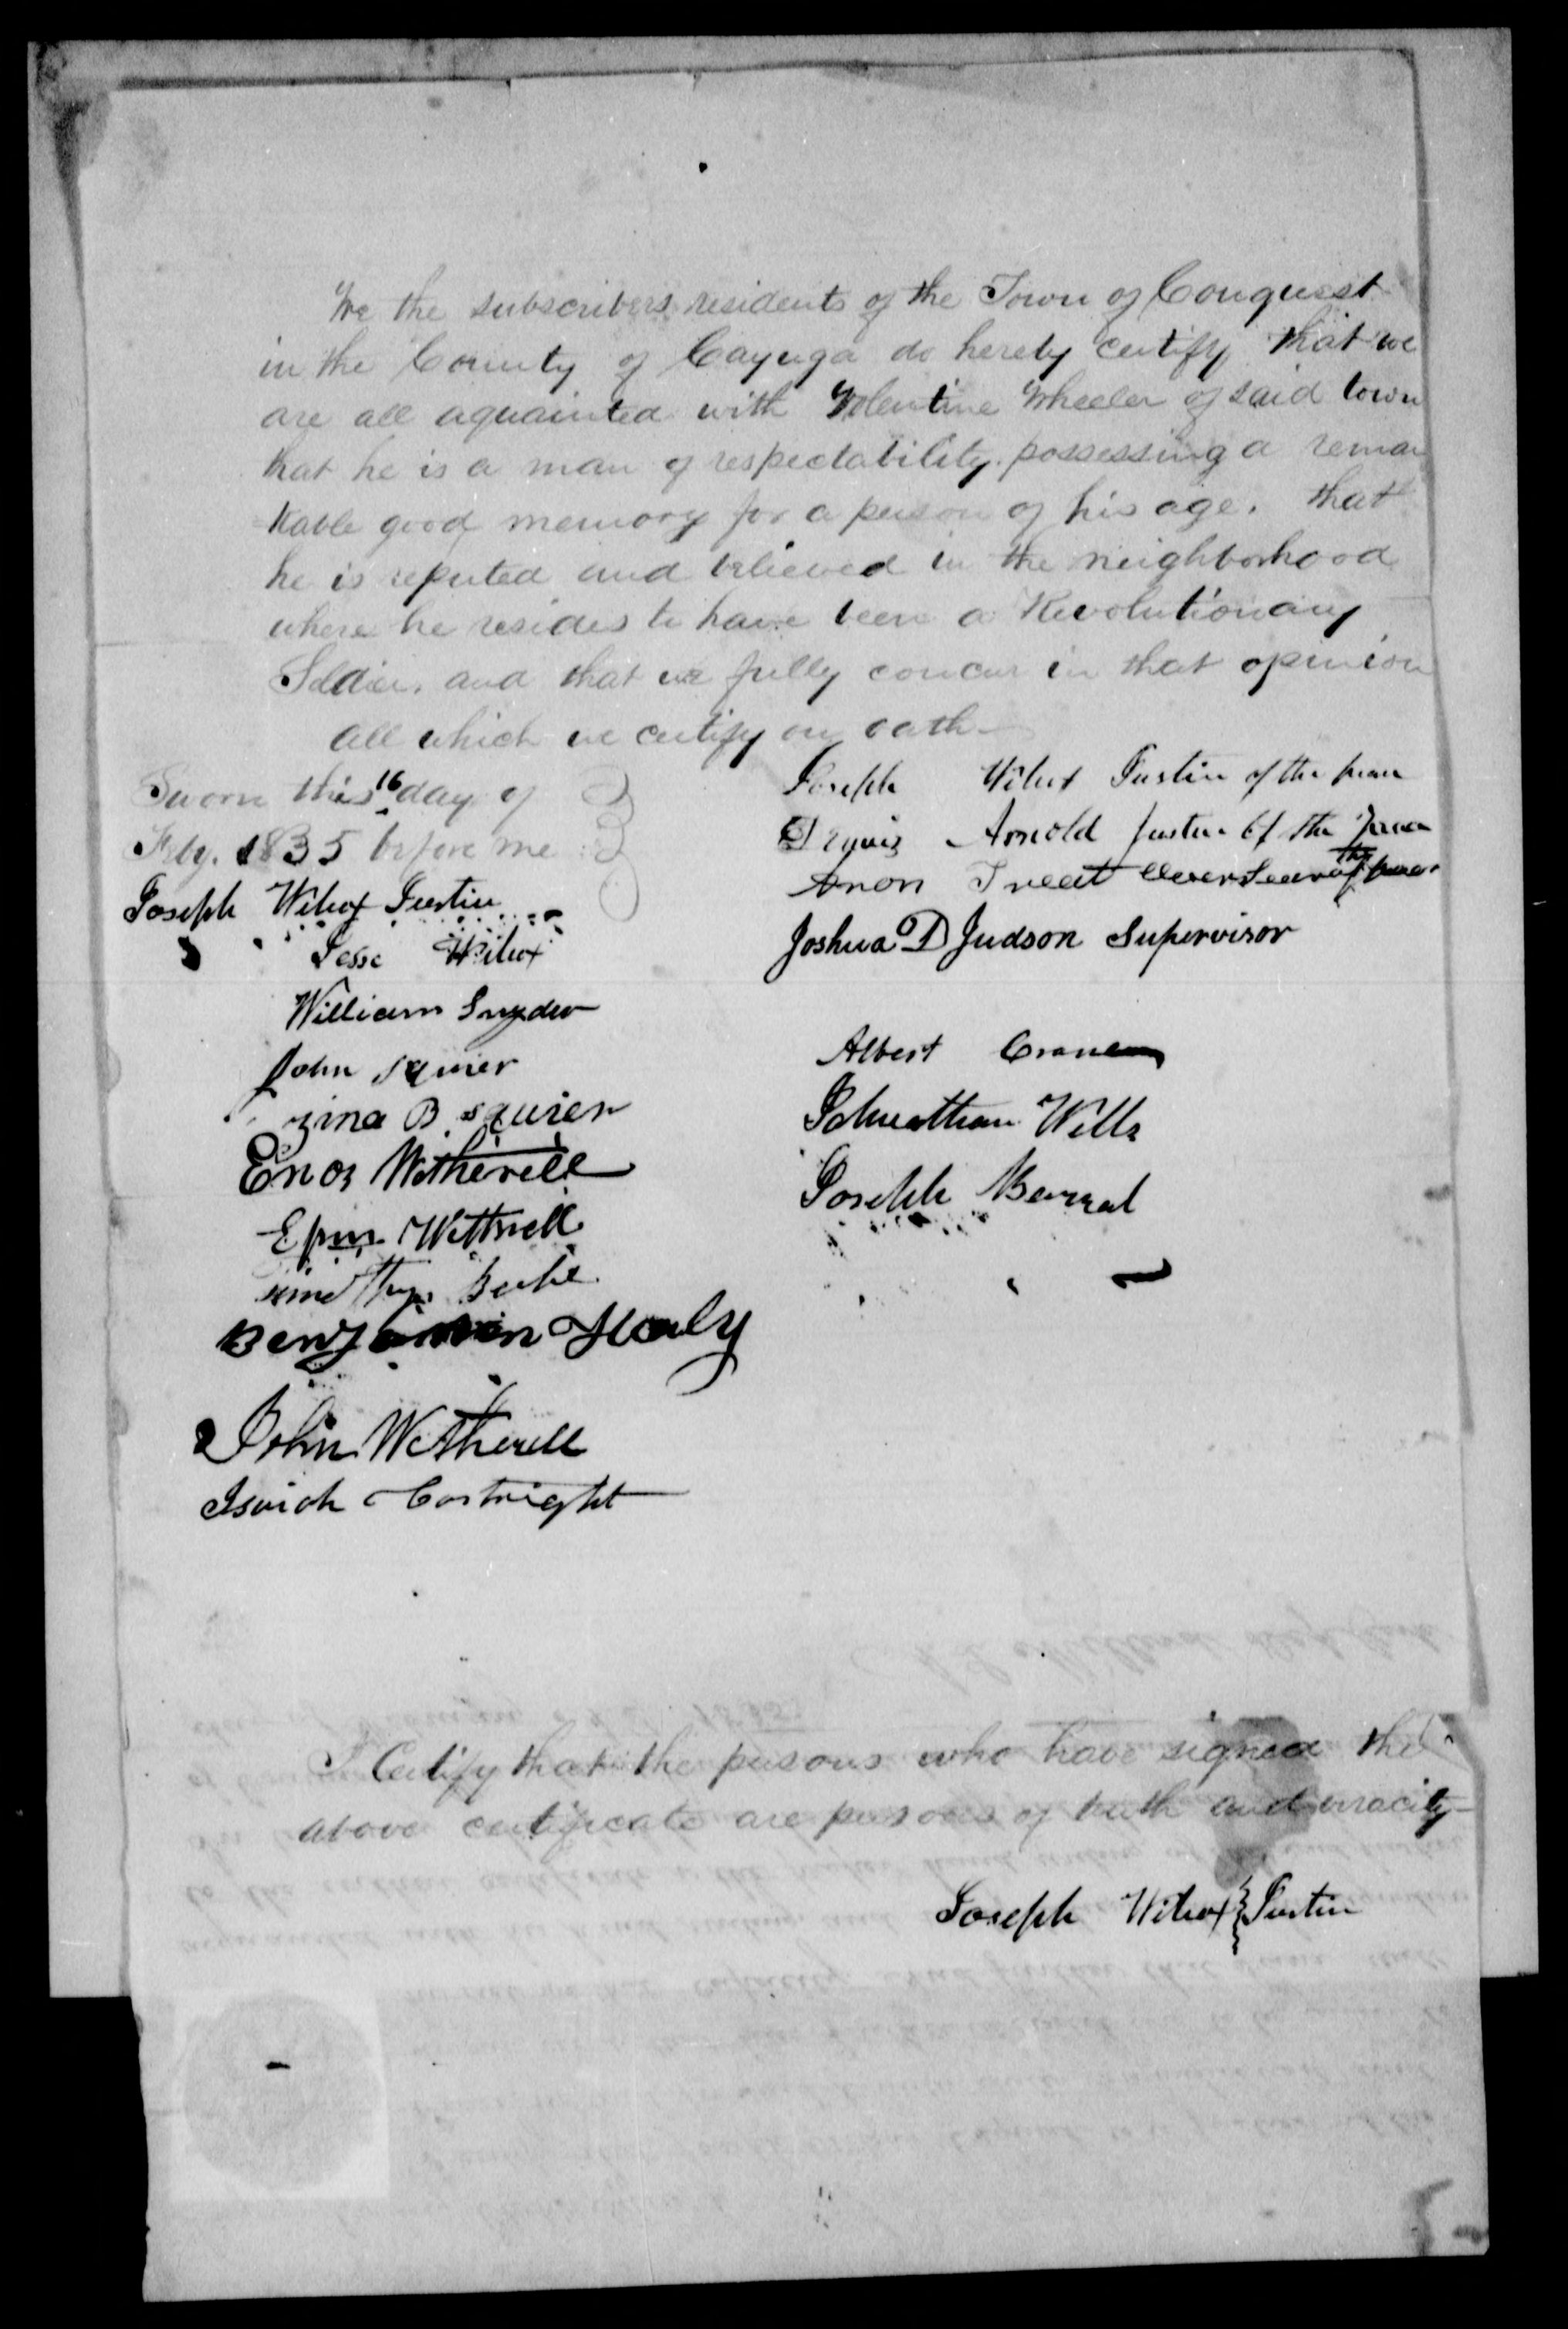We the subscribers residents of the Town of Conquest in the County of Cayuga do hereby certify that we are all acquainted with Volentine Wheeler of said town that he is a man of respectability possessing a remarkable good memory for a person of his age. that he is reputed and believed in the neighborhood where he resides to have been a Revolutionary Soldier an that we fully concur in that opinion.
All which we certify on oath.
Sworn this 16 day of Feby, 1835 before me
Joseph Wilcox, Justice
Jesse Wilcox, William Snyder, John Miner, Zina B. Squier, Enos Wetherell, Ephr. Wetherell, Timothy Beebe, Benjamin Harly, John Wetherell, Isaiah Cartright, 
Joseph Gilbert, Justice of the Peace
Dennis Arnold, Justice of the Peace
Aron Treat (illegible) of the (illegible)
Joshua D. Judson, Supervisor
Albert Crane, Johnathan Wills, Joseph Barral

I certify that the persons who have signed the above certificate are persons of truth and veracity.
Joseph Wilcox, Justice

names: Volentine Wheeler, William Snyder, John Miner, Jesse Wilcox, Zina B Squier, John Wetherell, Johnathan Wells, Isaiah Cartright, Albert Crane, Dennis Arnold, Epm Wethrell, Timothy Beebe, Aron Treat, Enos Wetherell, Joseph Wilcox, Joseph Barral, Benjamin Harly, Joshua D Judson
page: 83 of 98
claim: widow's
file: W. 1682, Valentine Wheeler, Mass.